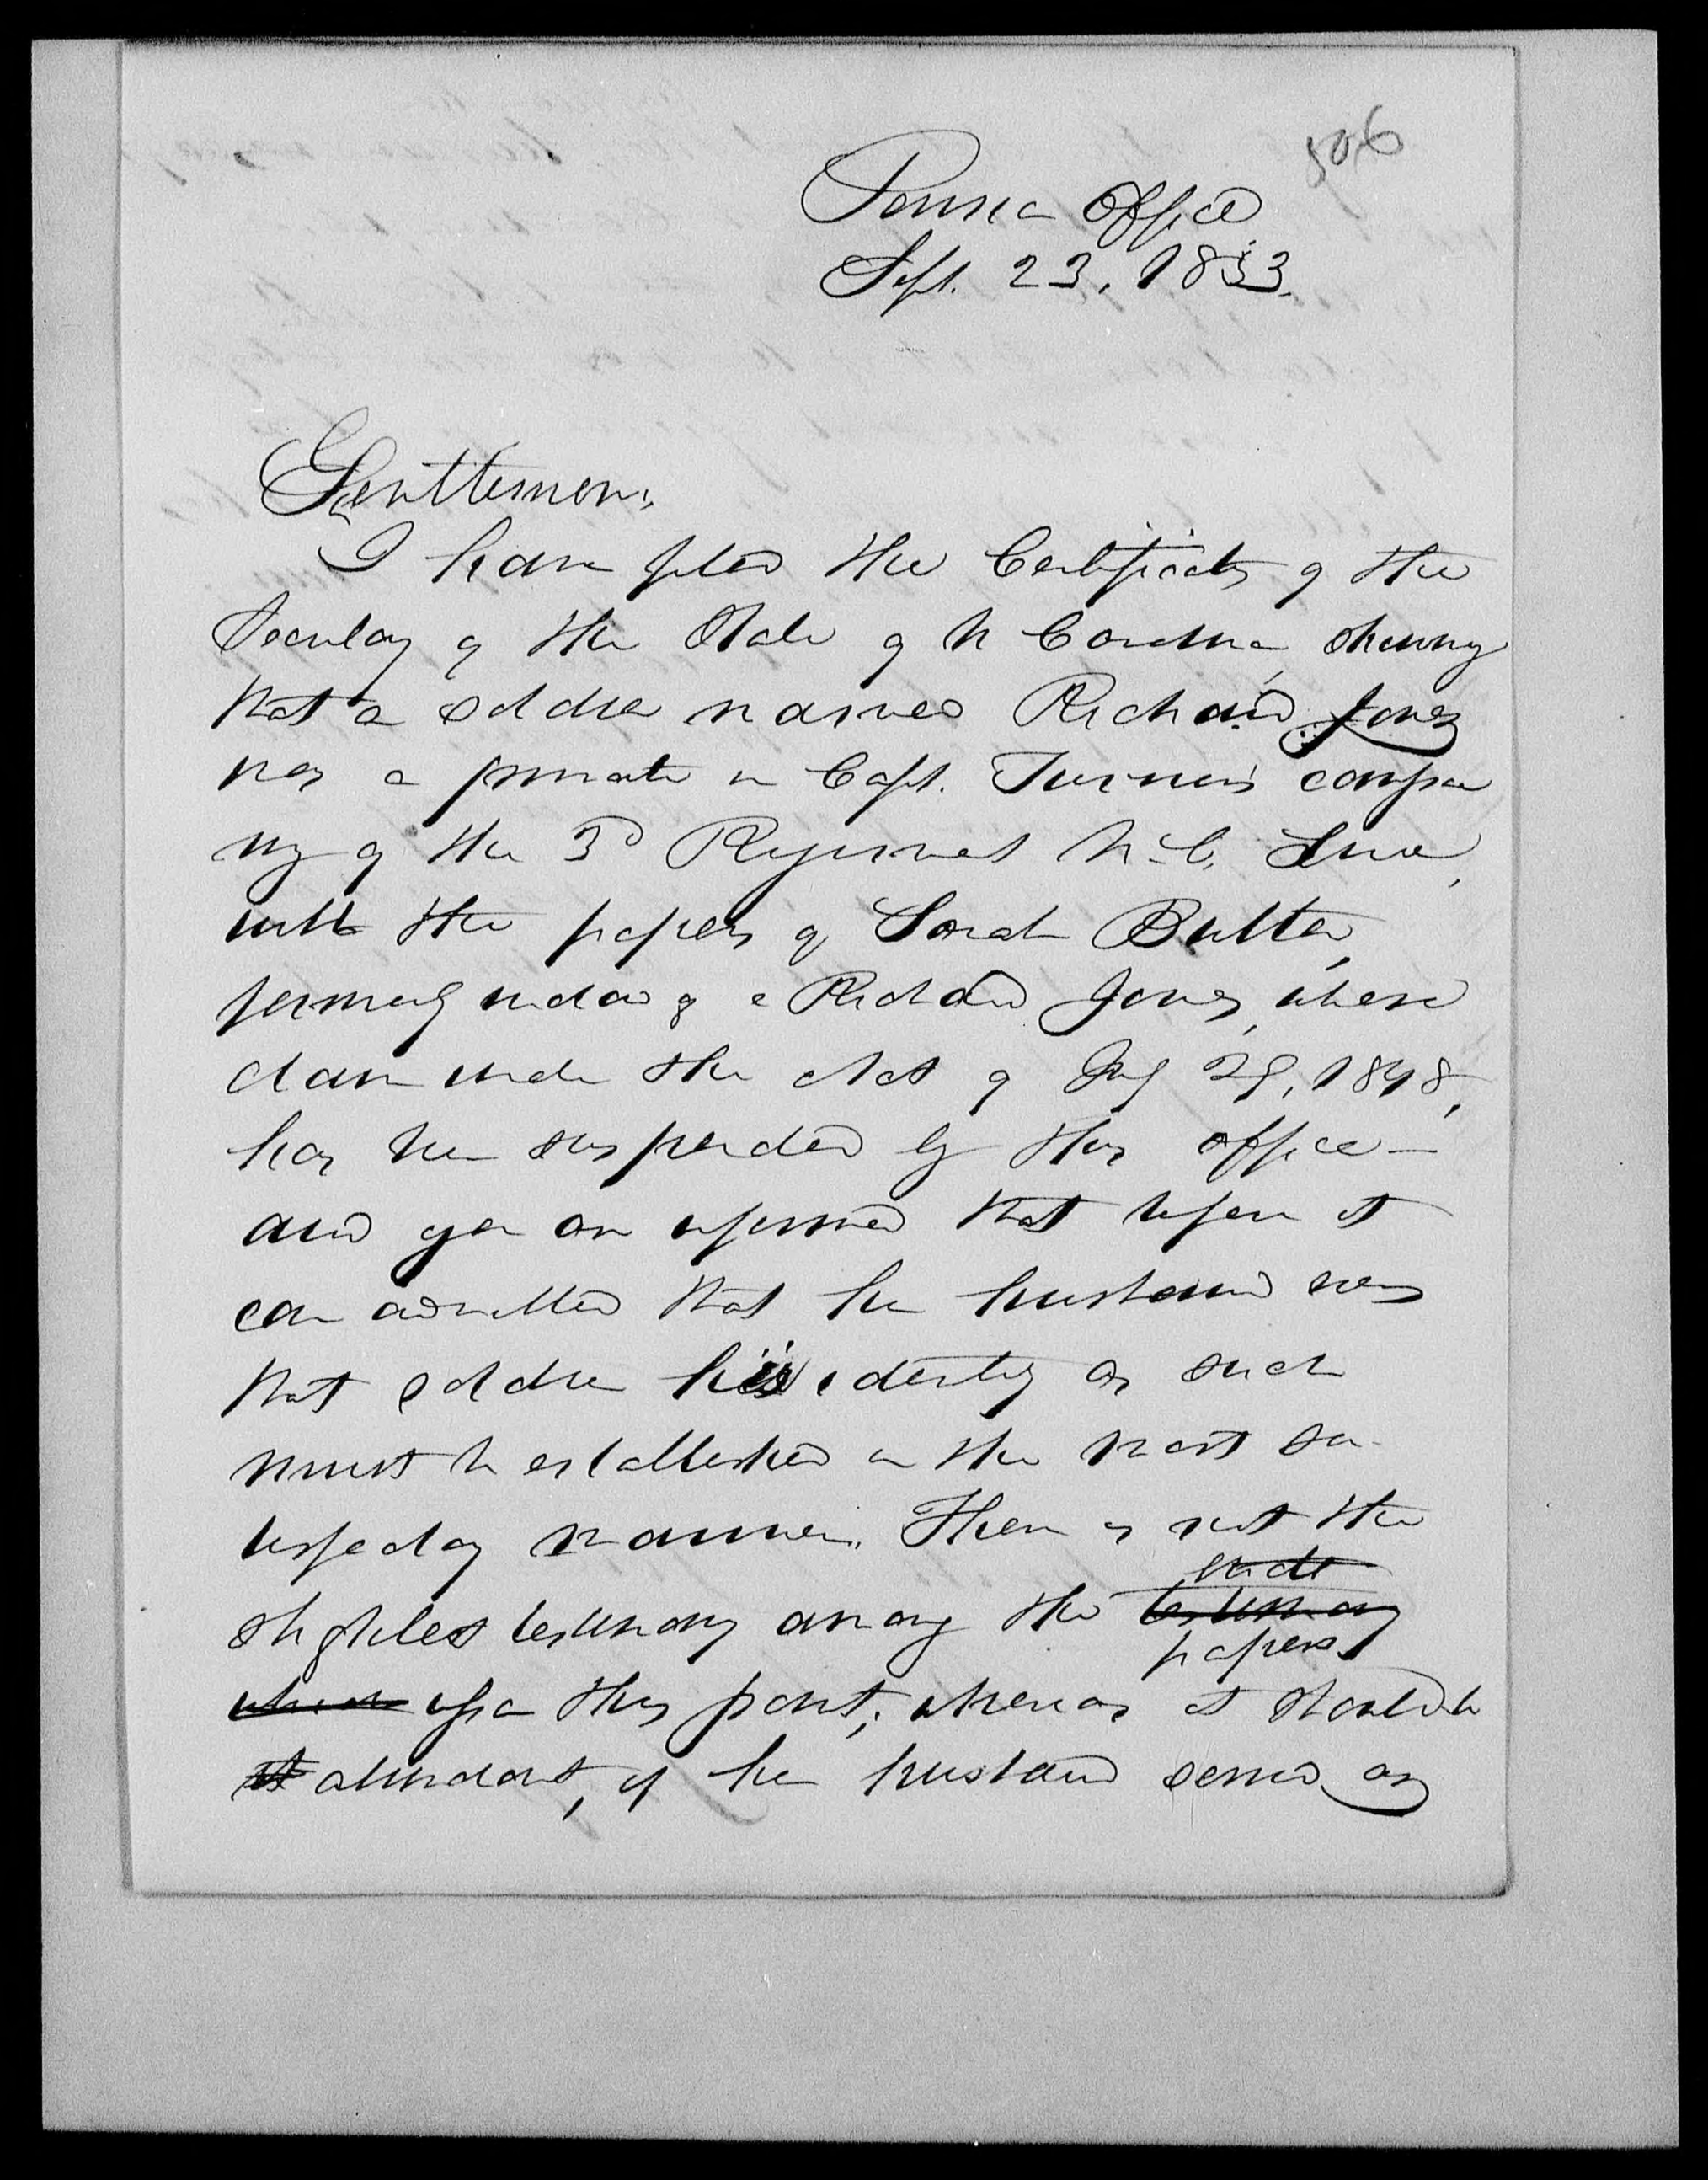506

Penson Office
Sept. 23, 1853

Gentlemen:

I have filed the Certificates of the 
Secretary of the State of N Carolina shewing
that a soldier named Richard Jones
was a private in Capt. Turner's company
of the 3d Regiment N.C. Line
with the papers of Sarah Butler
formerly widow of a Richard Jones, whose
claim under the Act of July 29, 1848,
has been suspended by this office
and you are informed that before it 
can [illegible] that her husband was
that soldier his identity as such 
must be established in the most satisfactory manner.  Then is sent the
[illegible] testimony any papers
upon this point; whereas it [should be?]
abundant if her husband served as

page: 21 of 33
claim: rejected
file: R. 1554, for Richard Jones, North Carolina